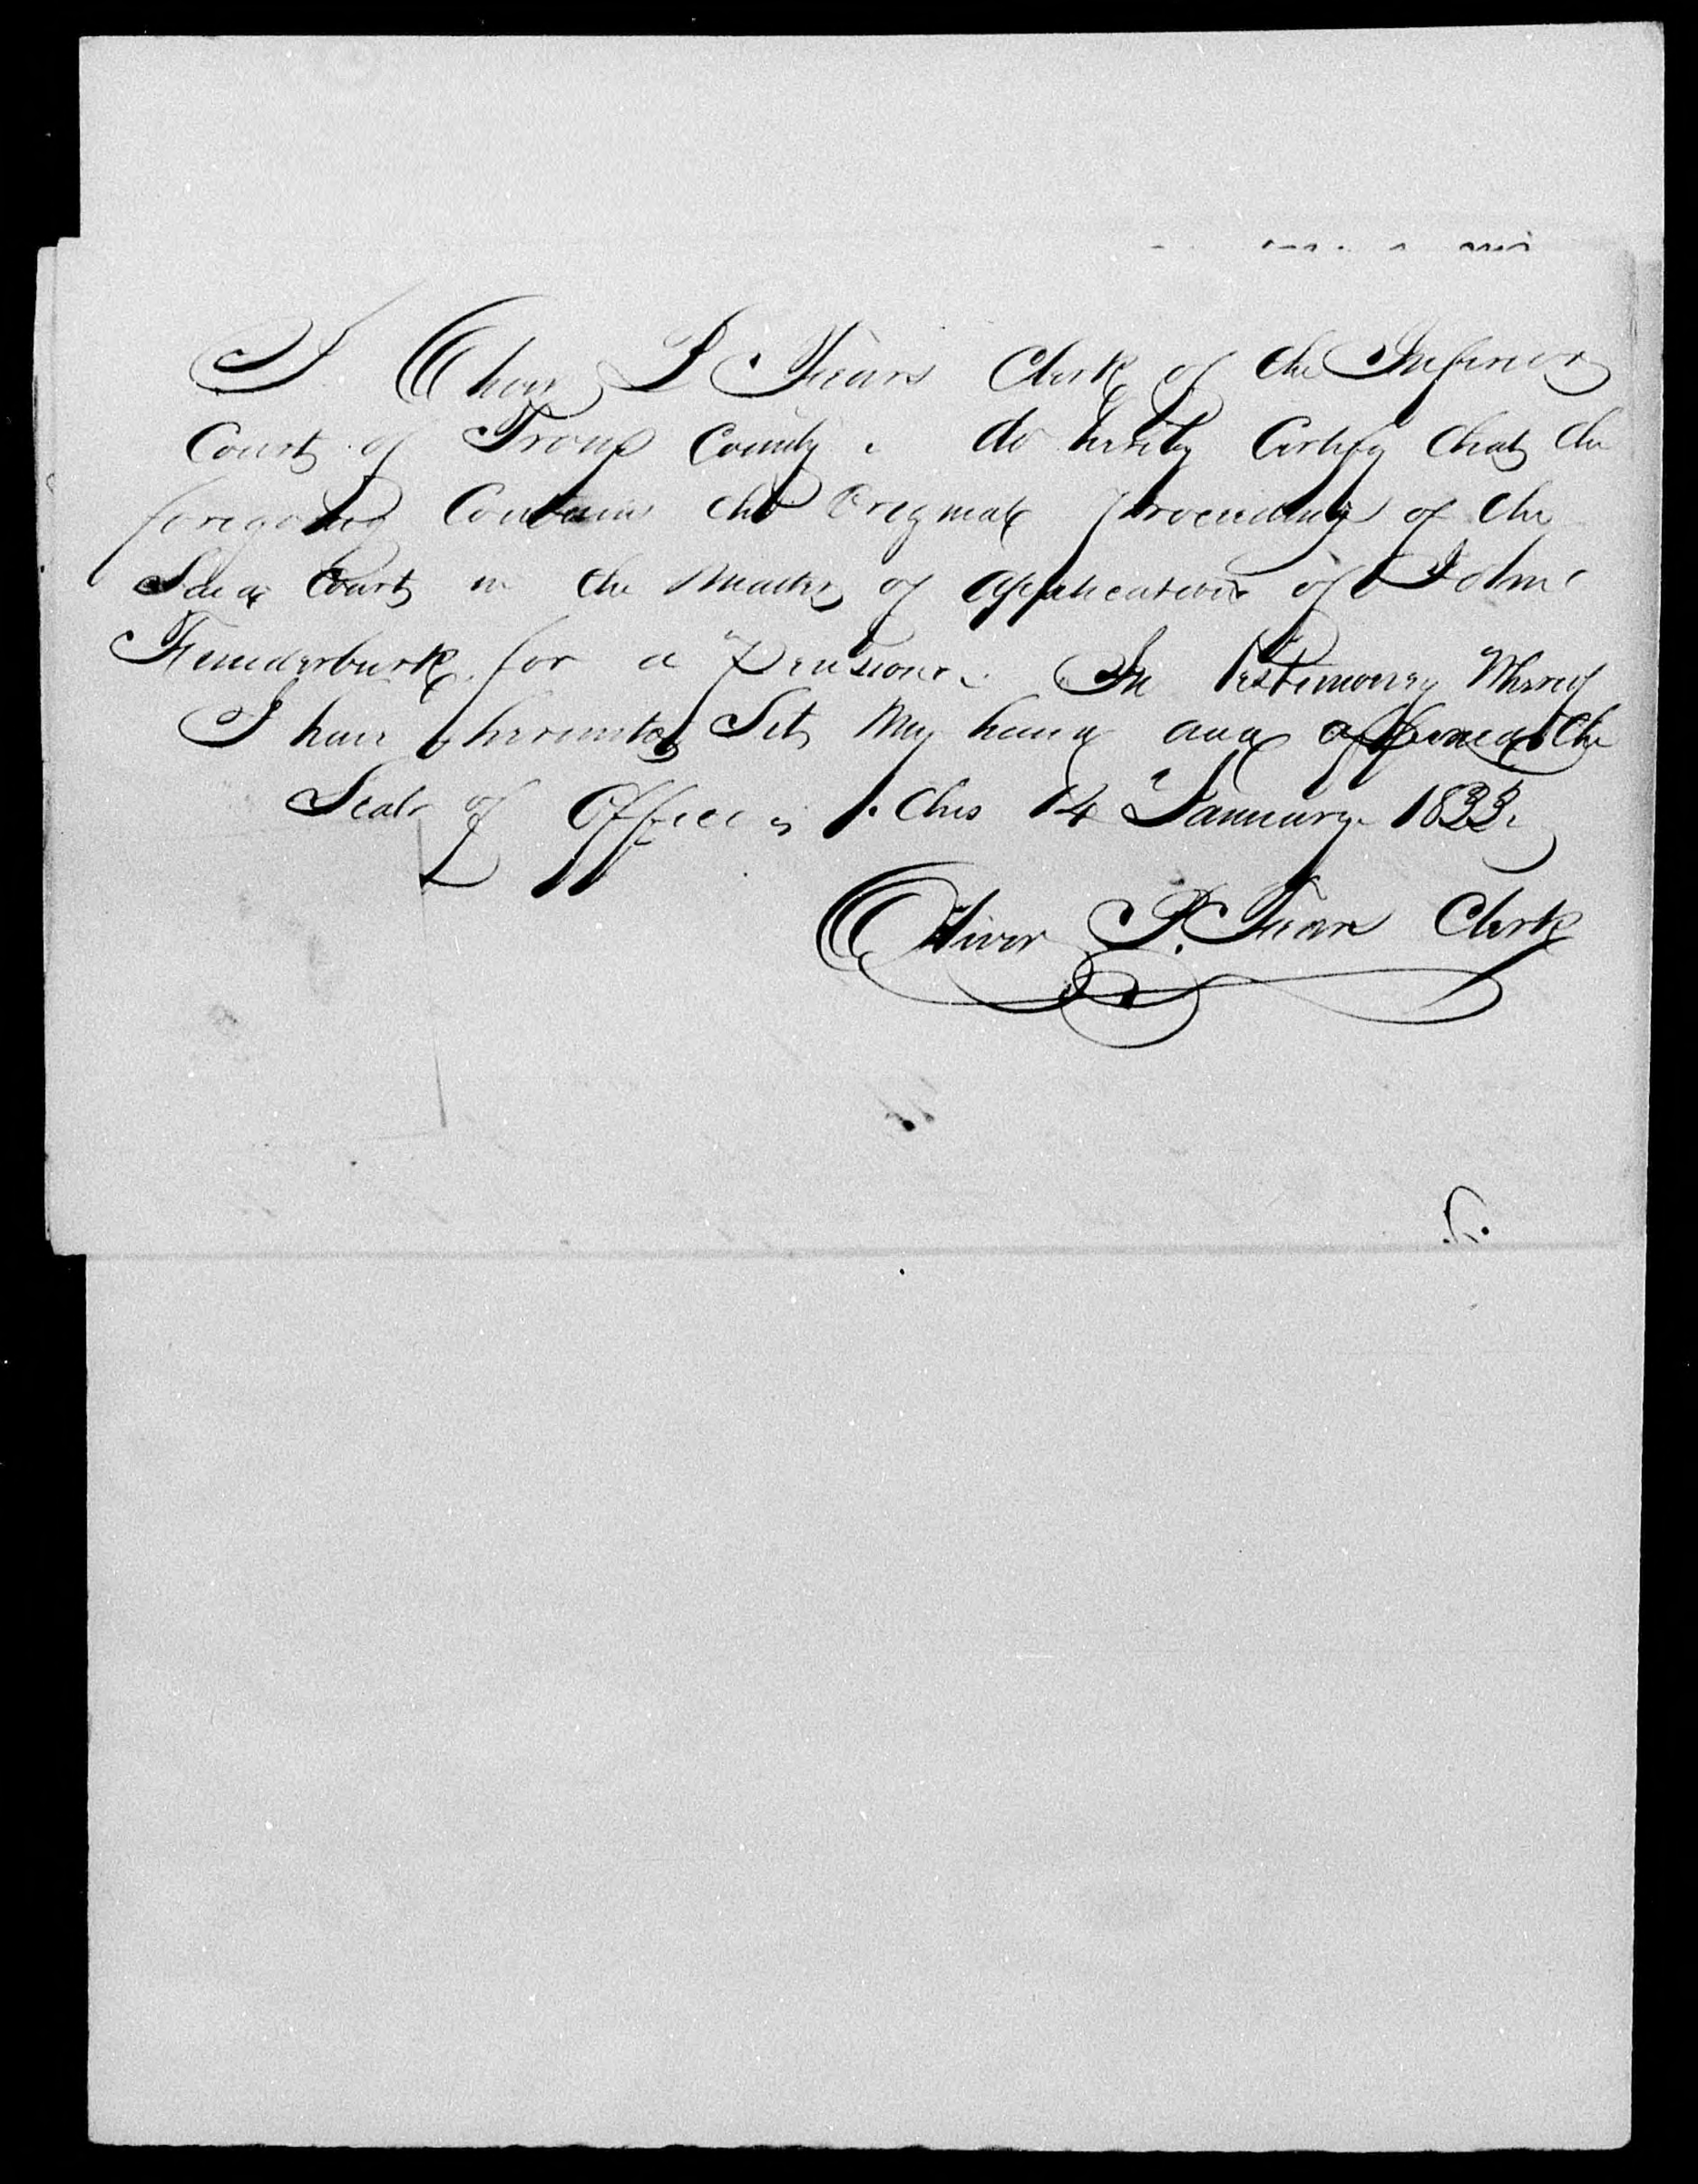I Oliver P Fears Clerk of the Inferior 
Court of Troup County do hereby certify that the
foregoing contains the original proceeding of the
Said Court in the matter of application of John
Funderburk for a Pension. In testimony whereof
I have hereinto Sit my hand and affirmed the
Seal of Office this 14 January 1833.

Oliver P. Fears Clerk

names: Oliver P Fears, Oliver P Fears, John Funderburk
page: 8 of 23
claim: survivor's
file: S. 31,682, John Funderbuck, S.C.